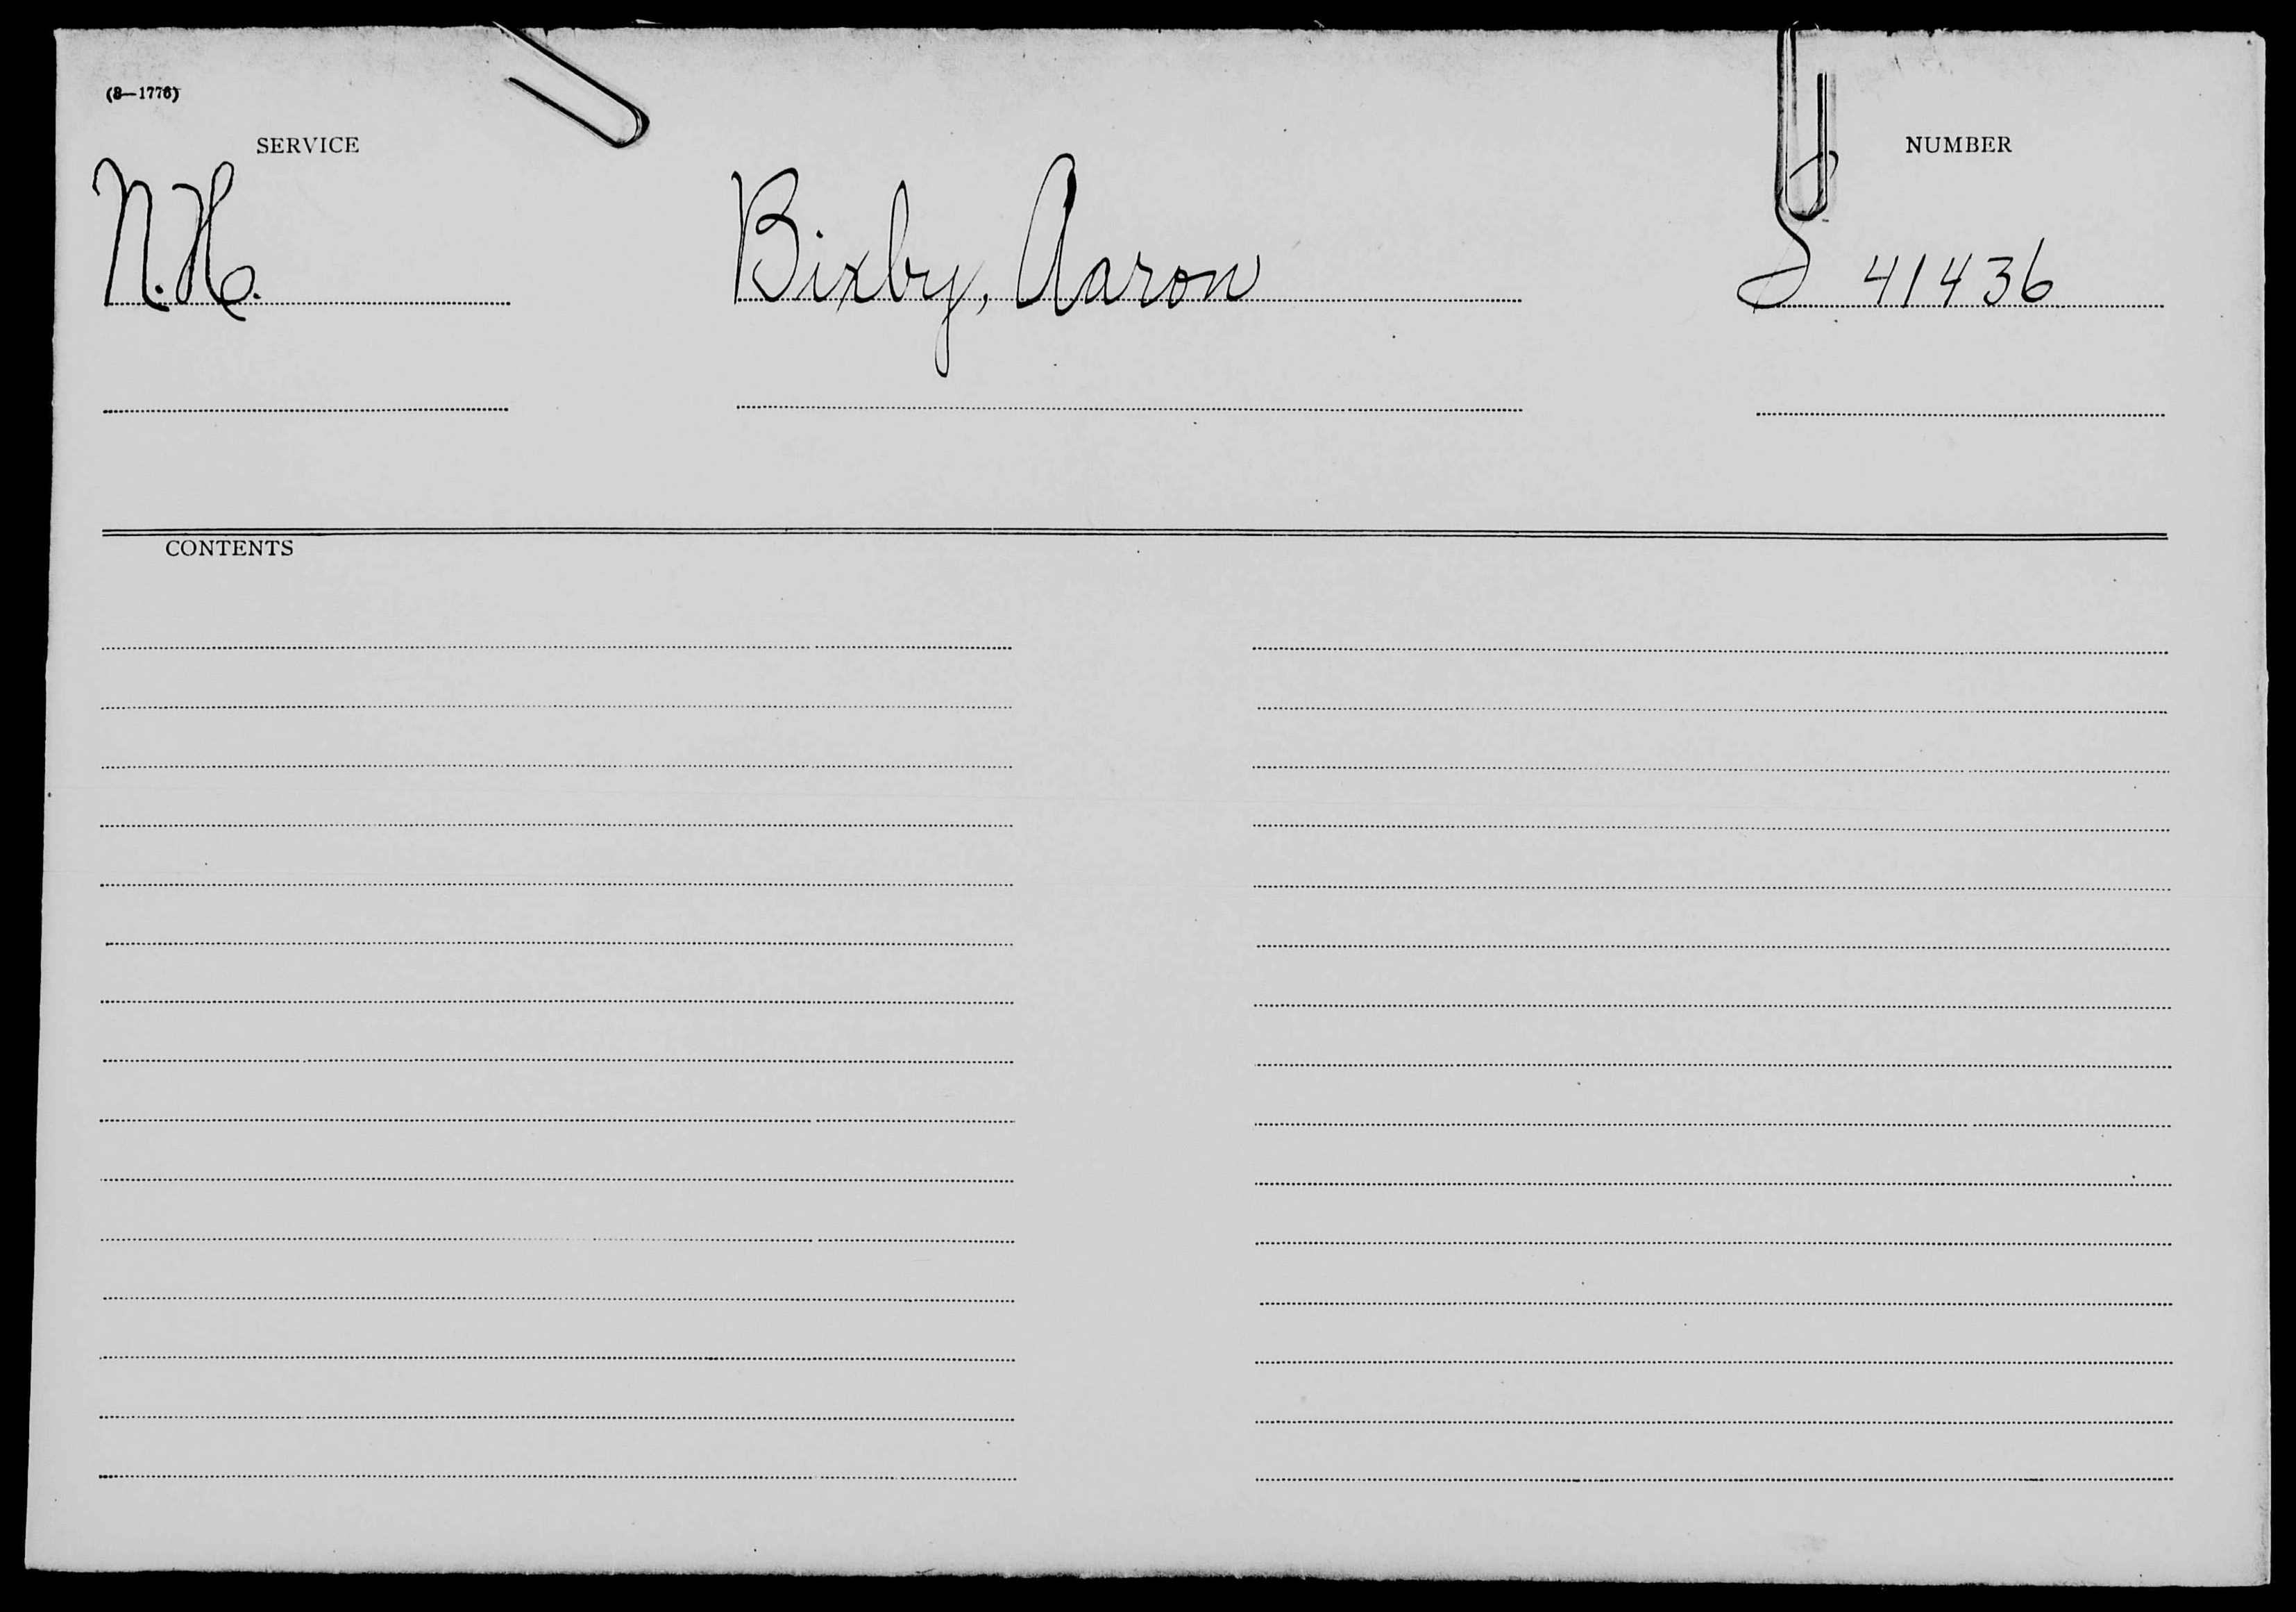SERVICE
N.H.

Bixby, Aaron

NUMBER
S 41436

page: 1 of 17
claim: survivor's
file: S 41436, Aaron Bixby, N.H.